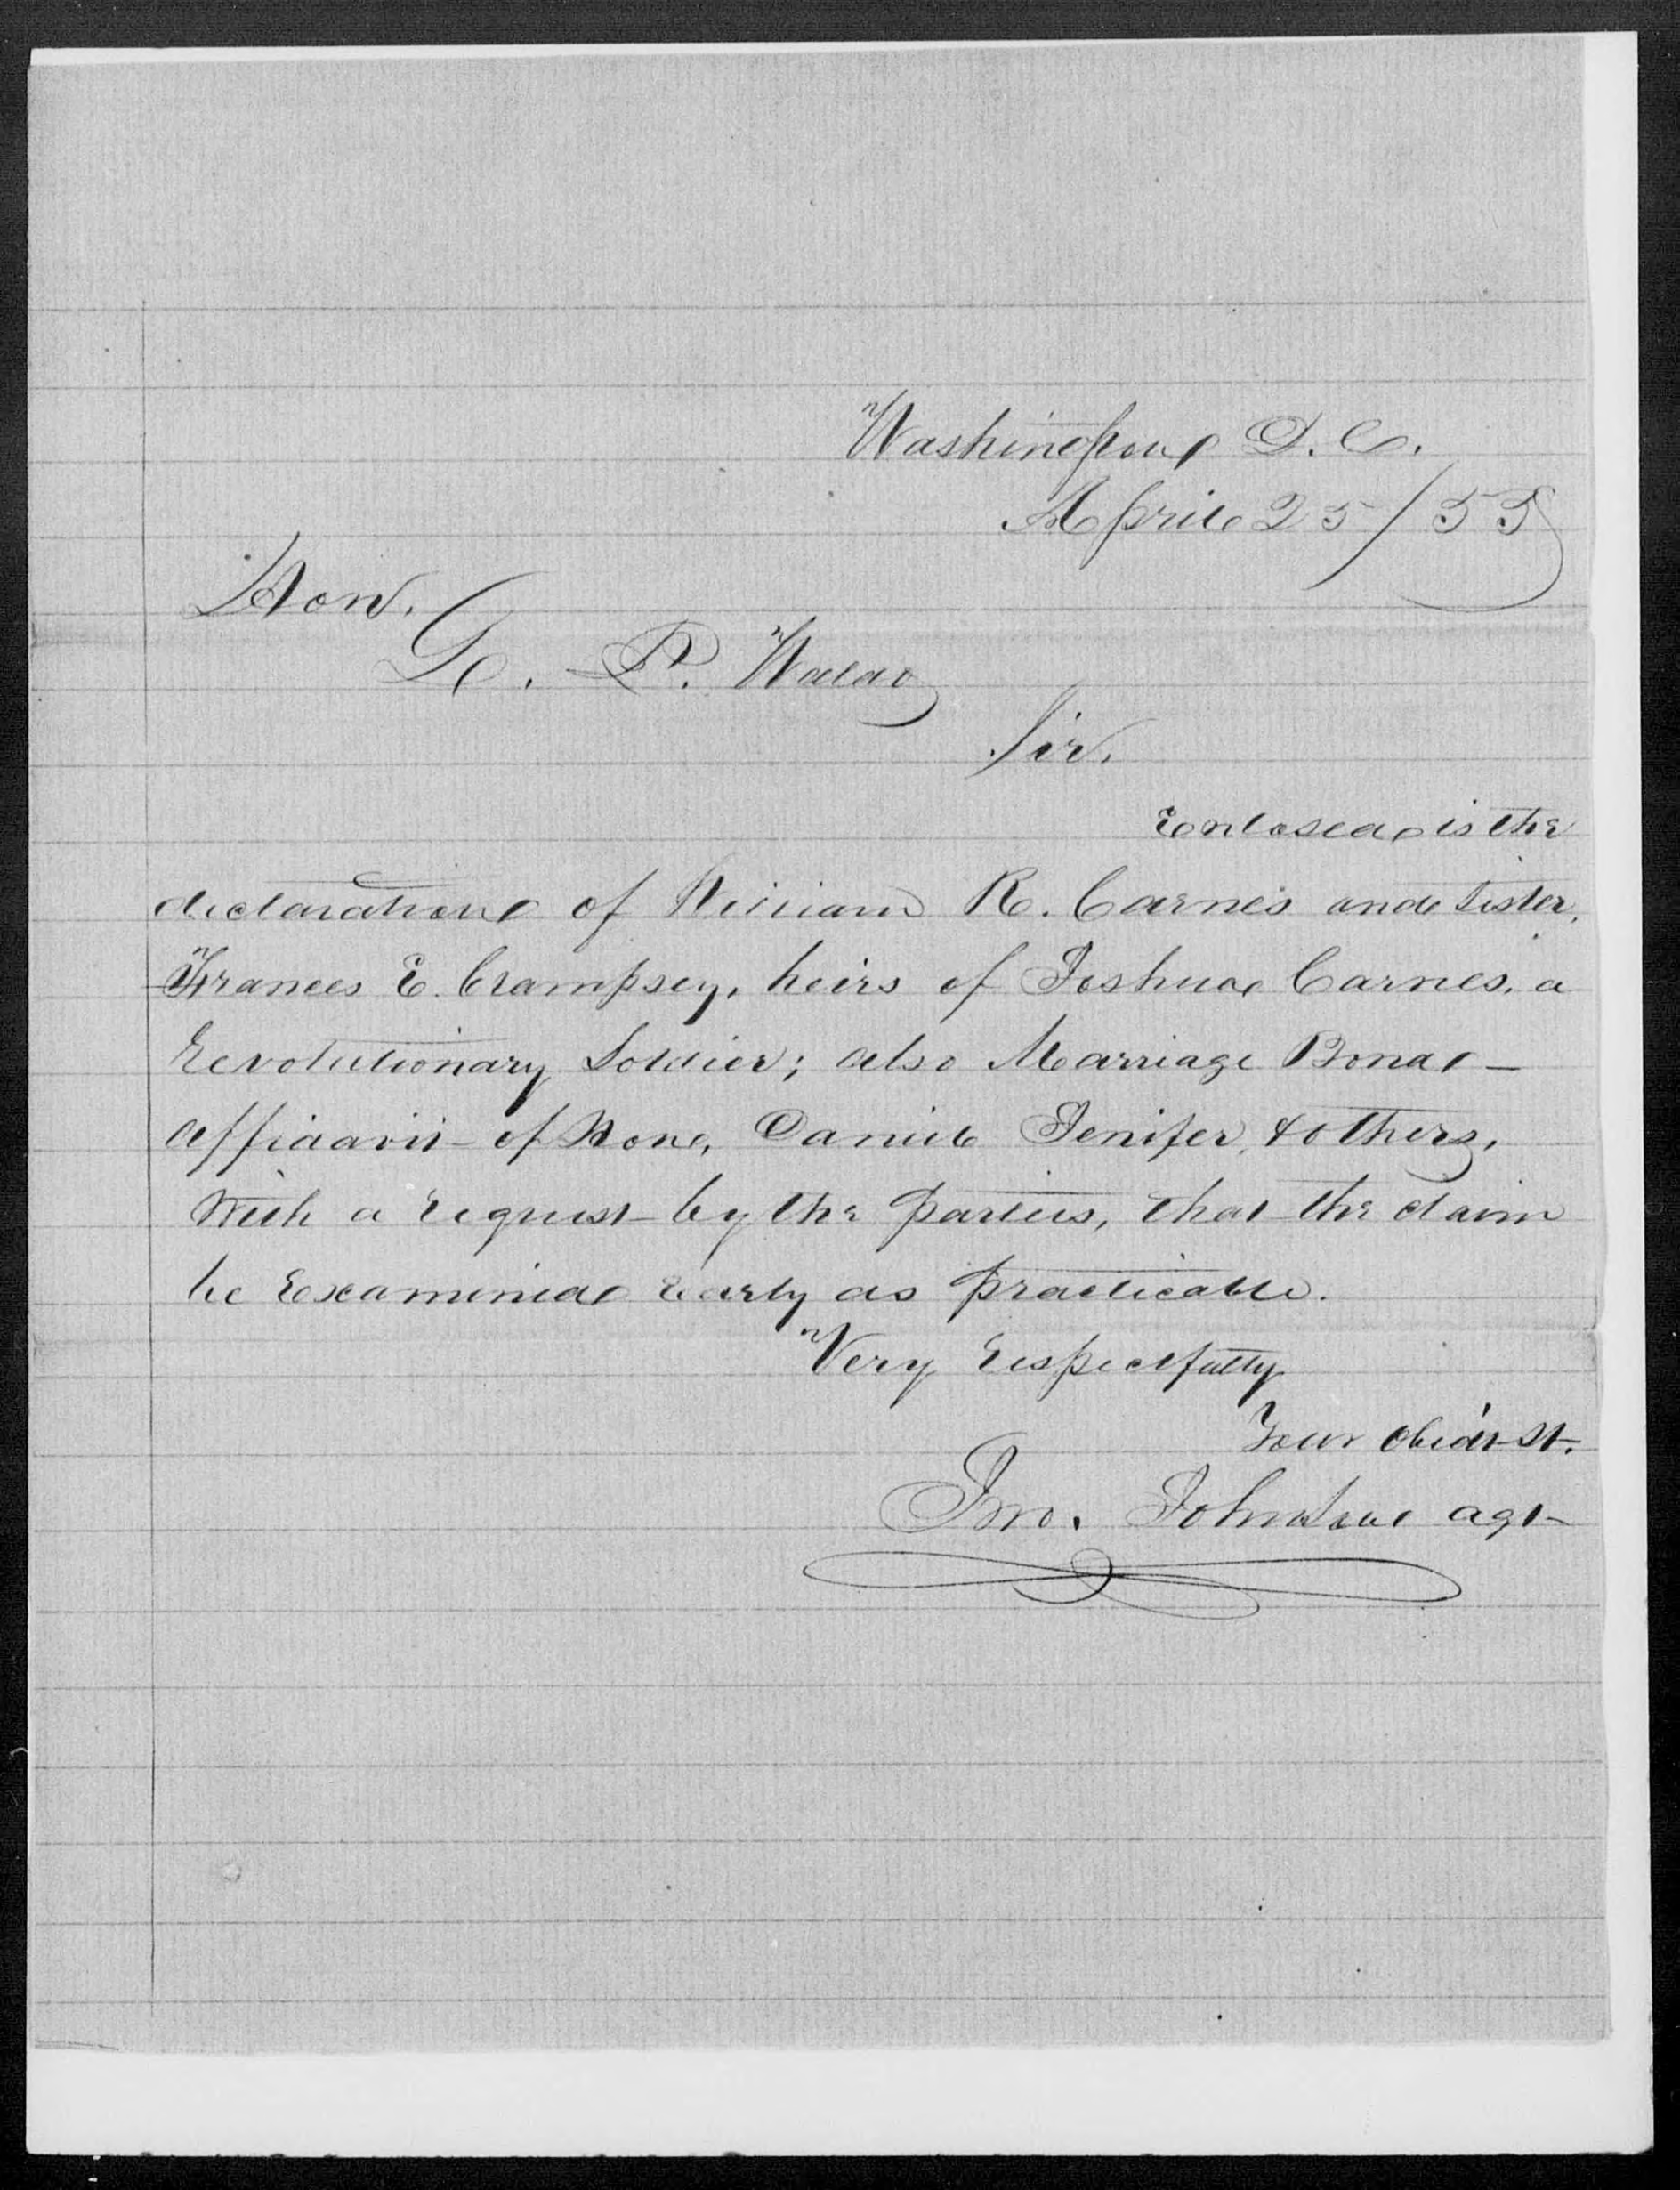Washington D.C.
April 23/53
Hon.
L. P. Waldo
Sir,
 Enclosed is the declarations of William R. Carnes and sister Frances E. Crampsey heir of Joshua Carnes a Revolutionary Soldier also marriage Bonds affidavit of Bond. Daniel Jenifer and others  with a request  by the parties that the claim be  examined as early as practicable.
Very respectfully
Your obedient
Jon. Johnson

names: Joshua Carnes, Frances E Crampsey, William R Carnes, Jno Johnson, L P Waldo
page: 18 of 22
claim: rejected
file: R 1709, Joshua Carnes, Va.